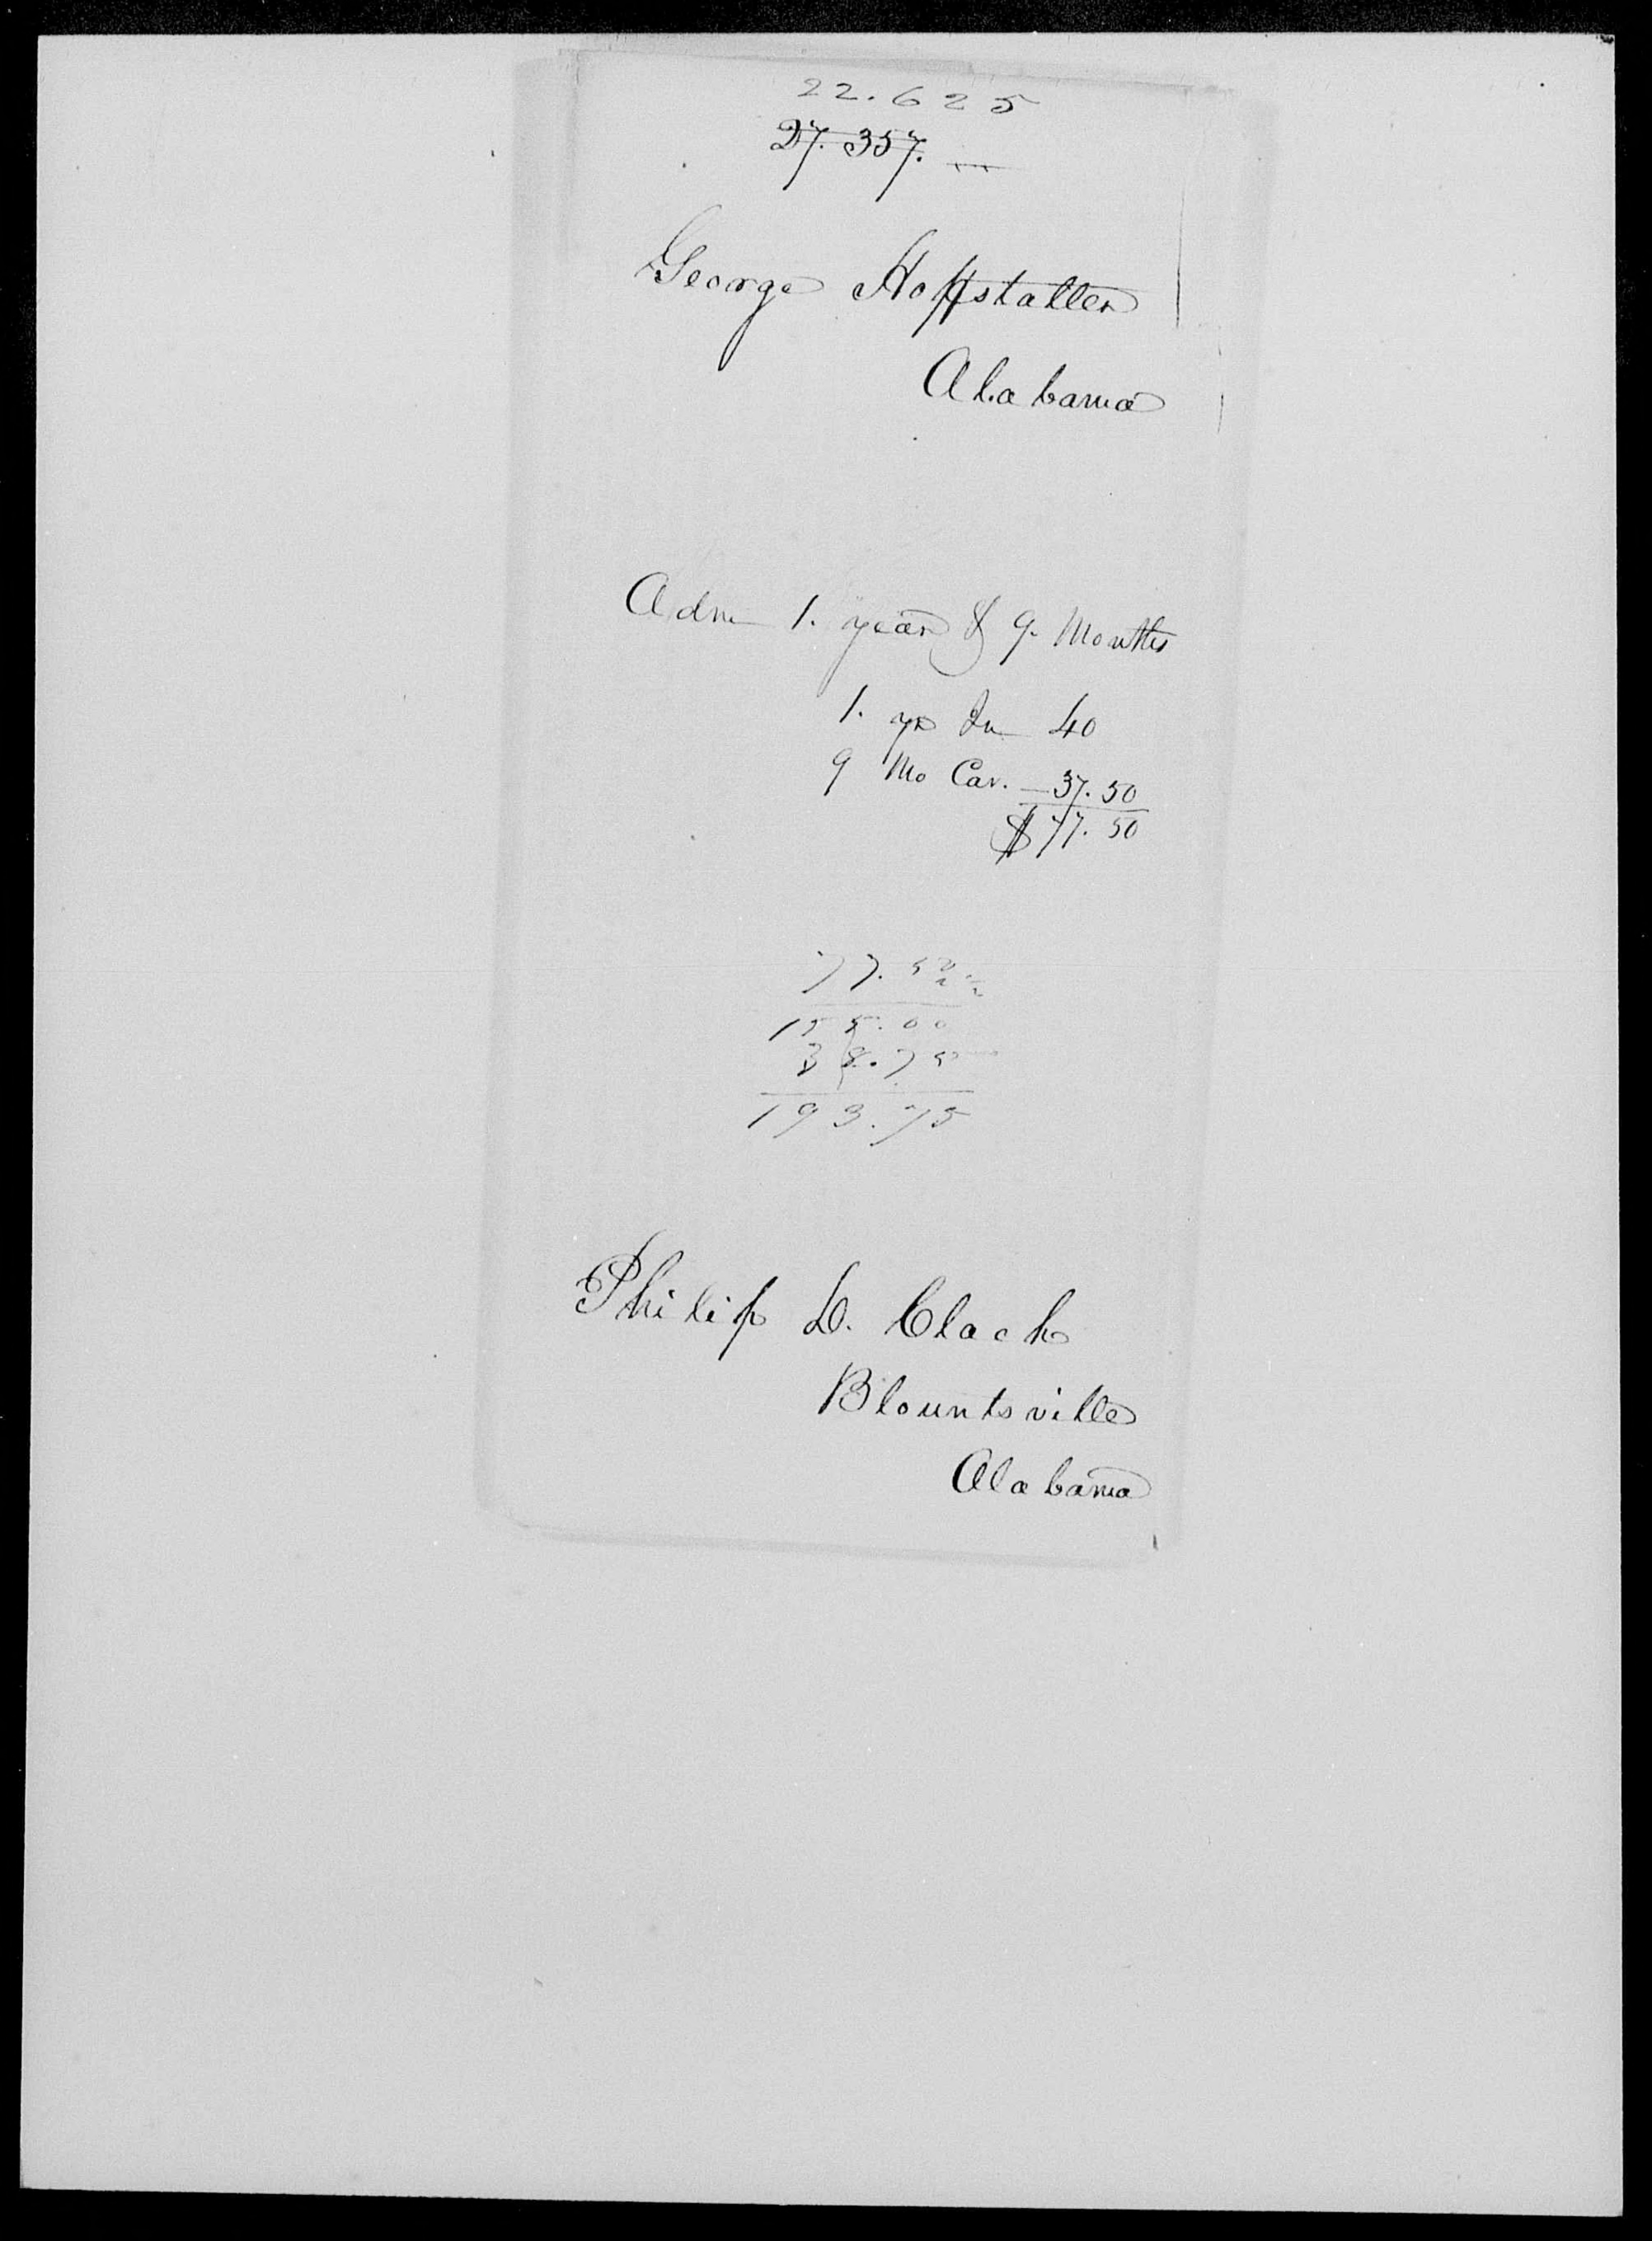22.625
[crossed out: 27.357.]

George Hoffstaller
Alabama

Adm 1. year & 9 months
1. yr In 40
9 mo Cav. 37.50
$77.50

77.50
155.00
38.75
193.75

Philip D. Clack
Blountsville
Alabama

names: Philip D Clack, George Hoffstatter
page: 3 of 18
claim: survivor's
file: S. 15176, George Hofstalar, N.C.